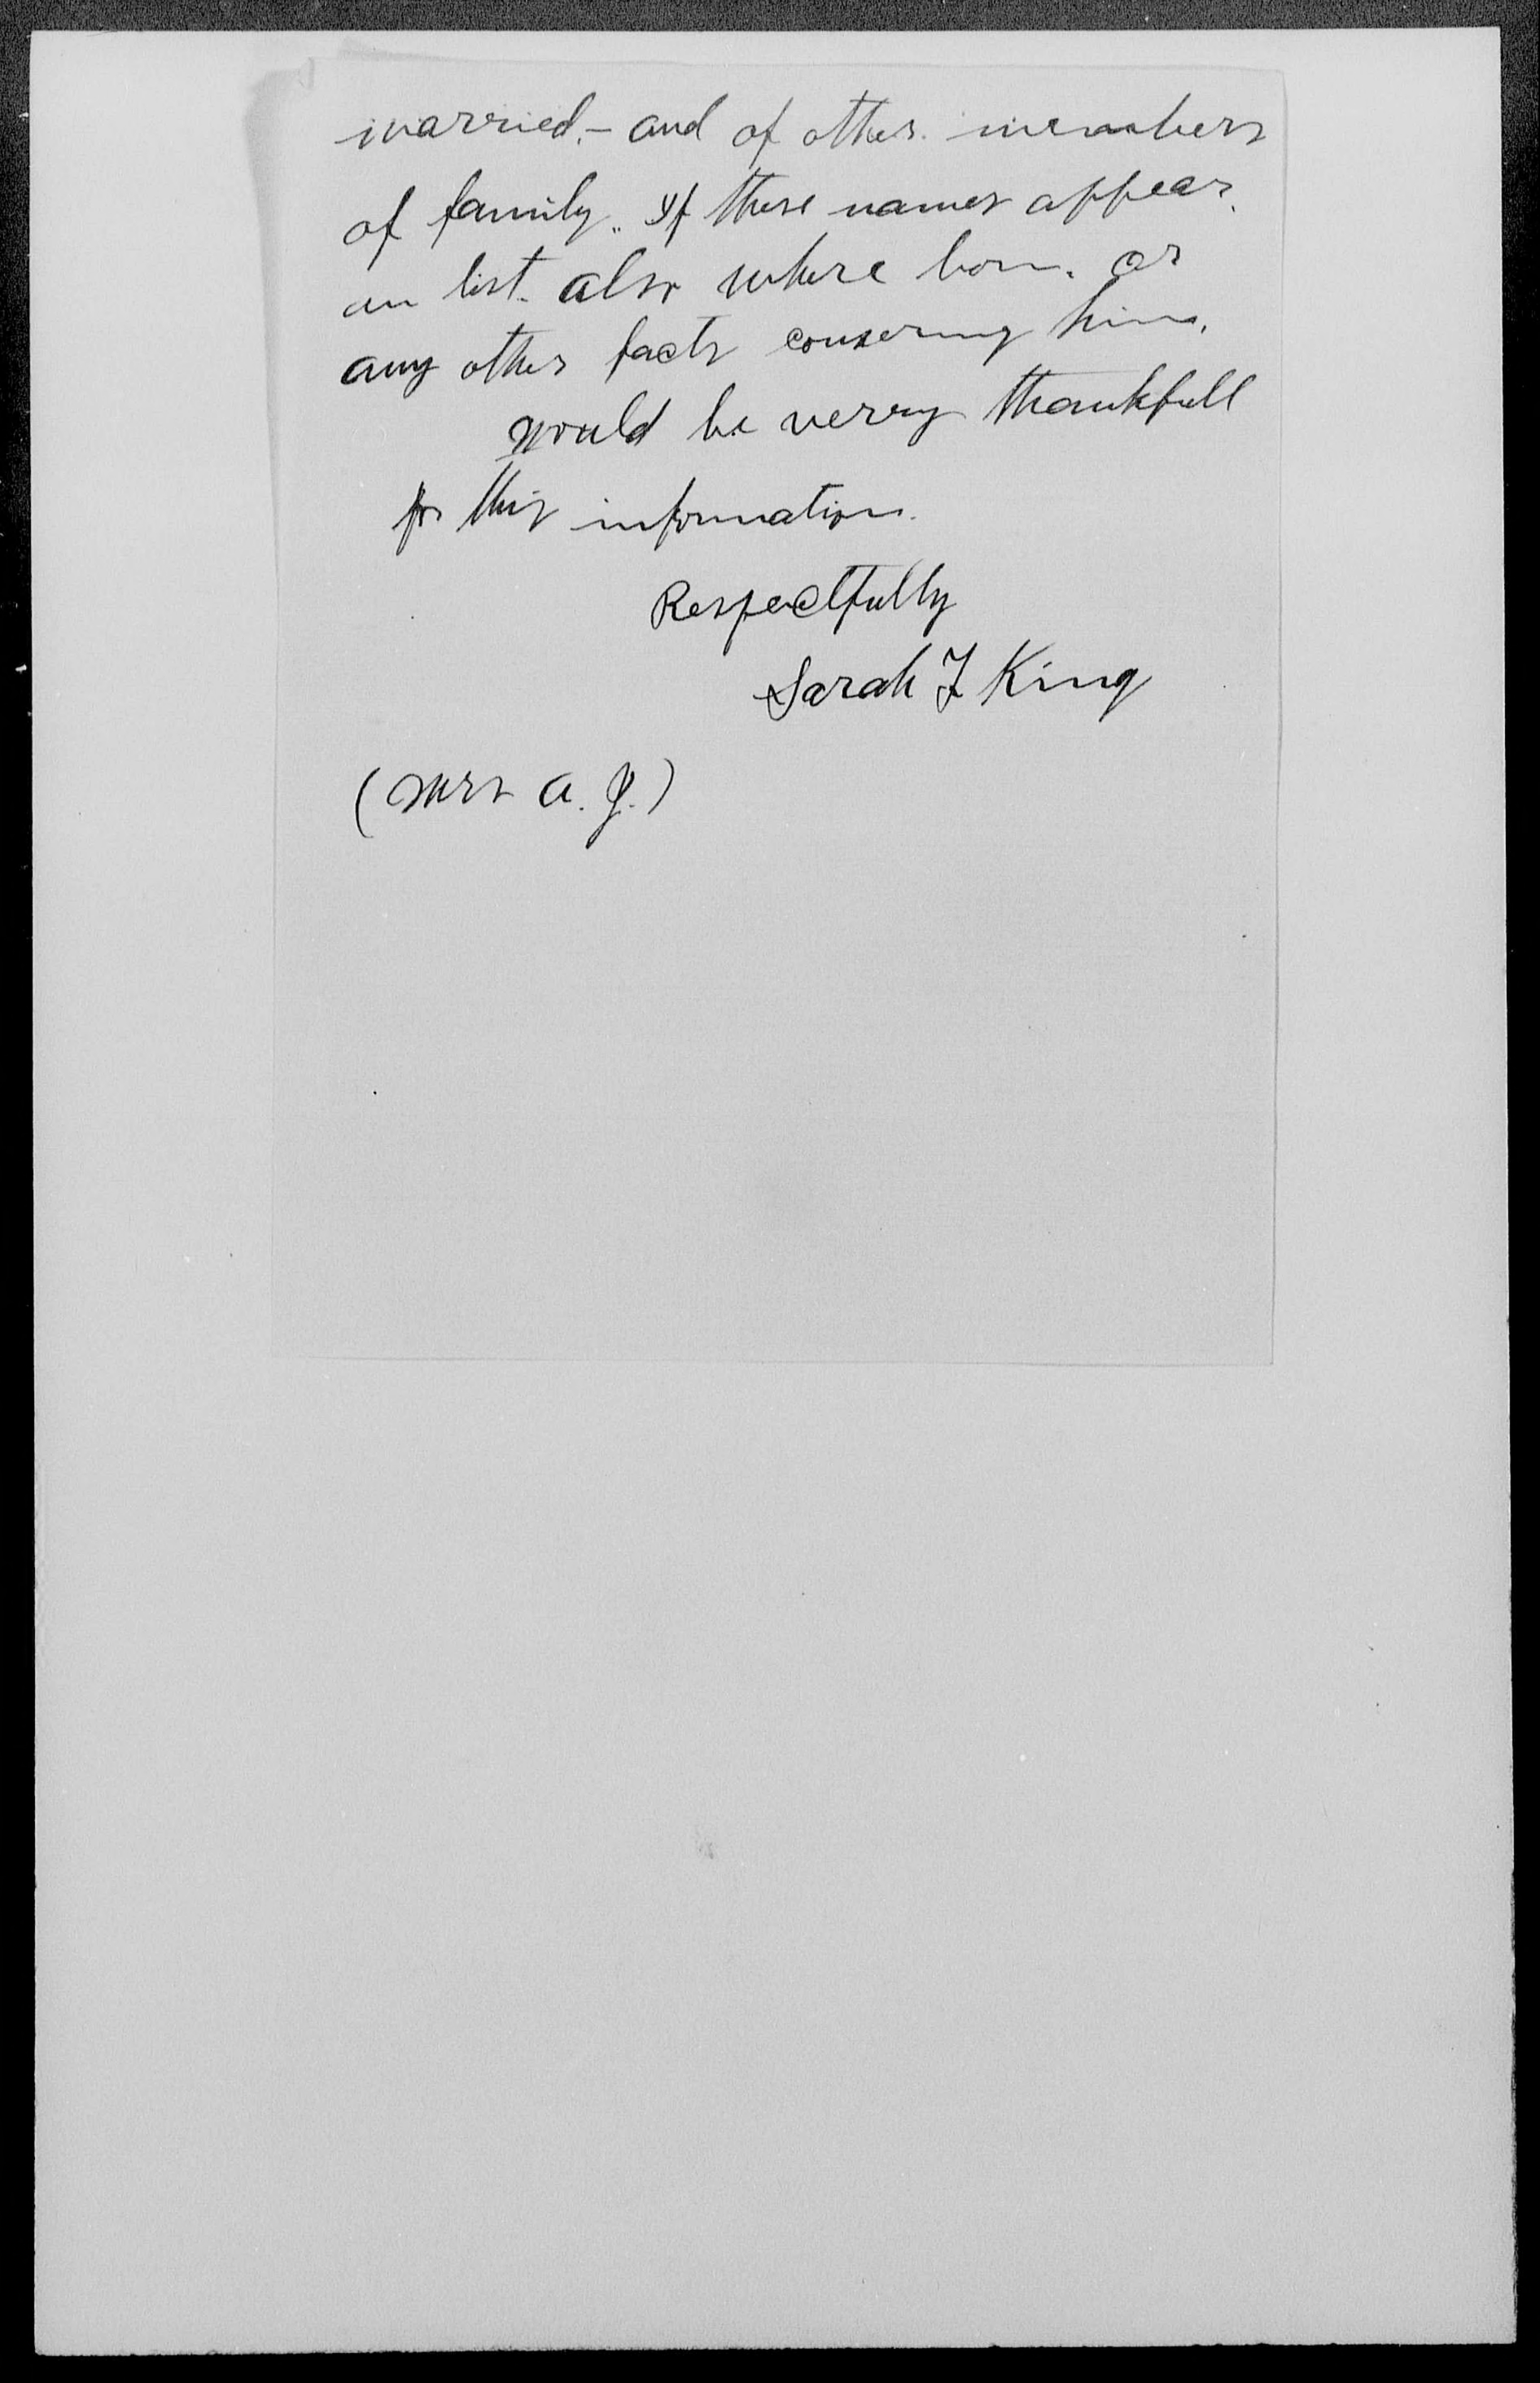married - and of other members of family. If these names appear on list, also where born or any other facts concerning him.
Would be verry thankfull for this information.
Respectfully
Sarah F King
(Mrs A. J.)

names: Sarah F King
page: 20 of 22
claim: survivor's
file: S. 31,517, John Allbritton, S.C.